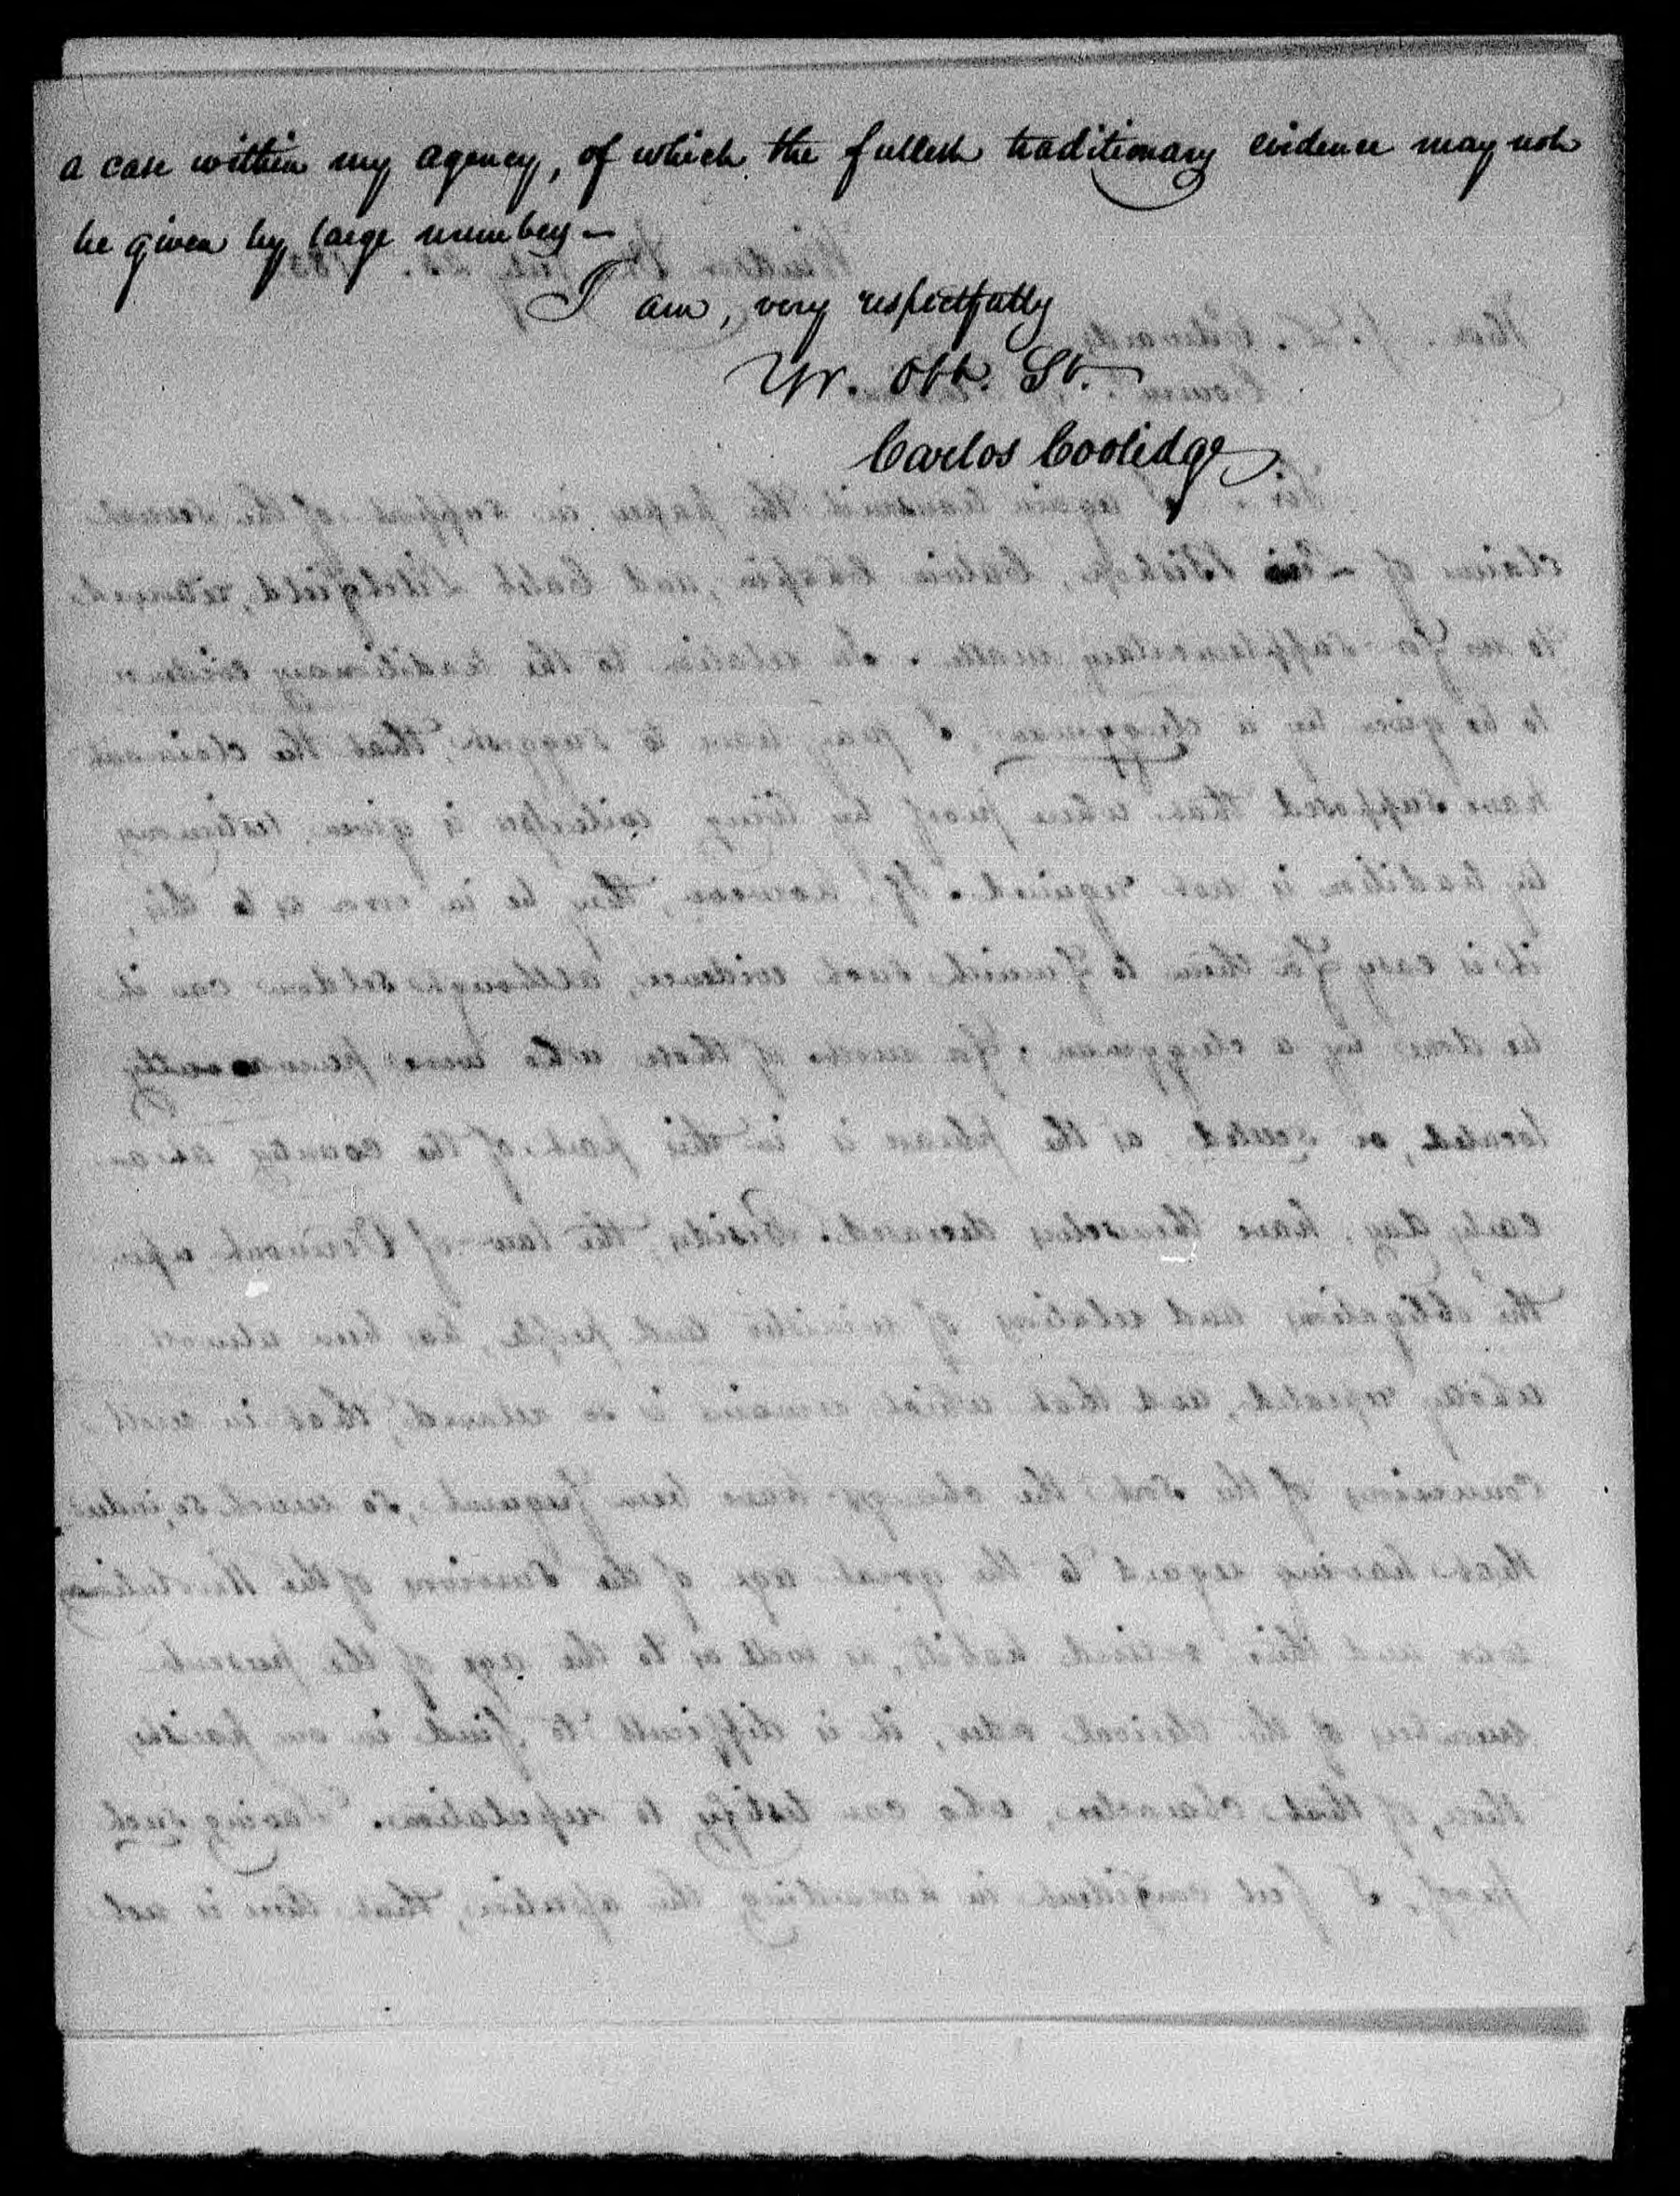[handwritten letter]

a case within any agency, of which the fullest traditionary evidence may not by given by large numbers - 
I am, very respectfully
Yr. Obt. St.
/s/Carlos Coolidge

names: Carlos Coolidge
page: 32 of 35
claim: widow's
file: W. 20,864, Calvin Chapin, Mass. Vt.